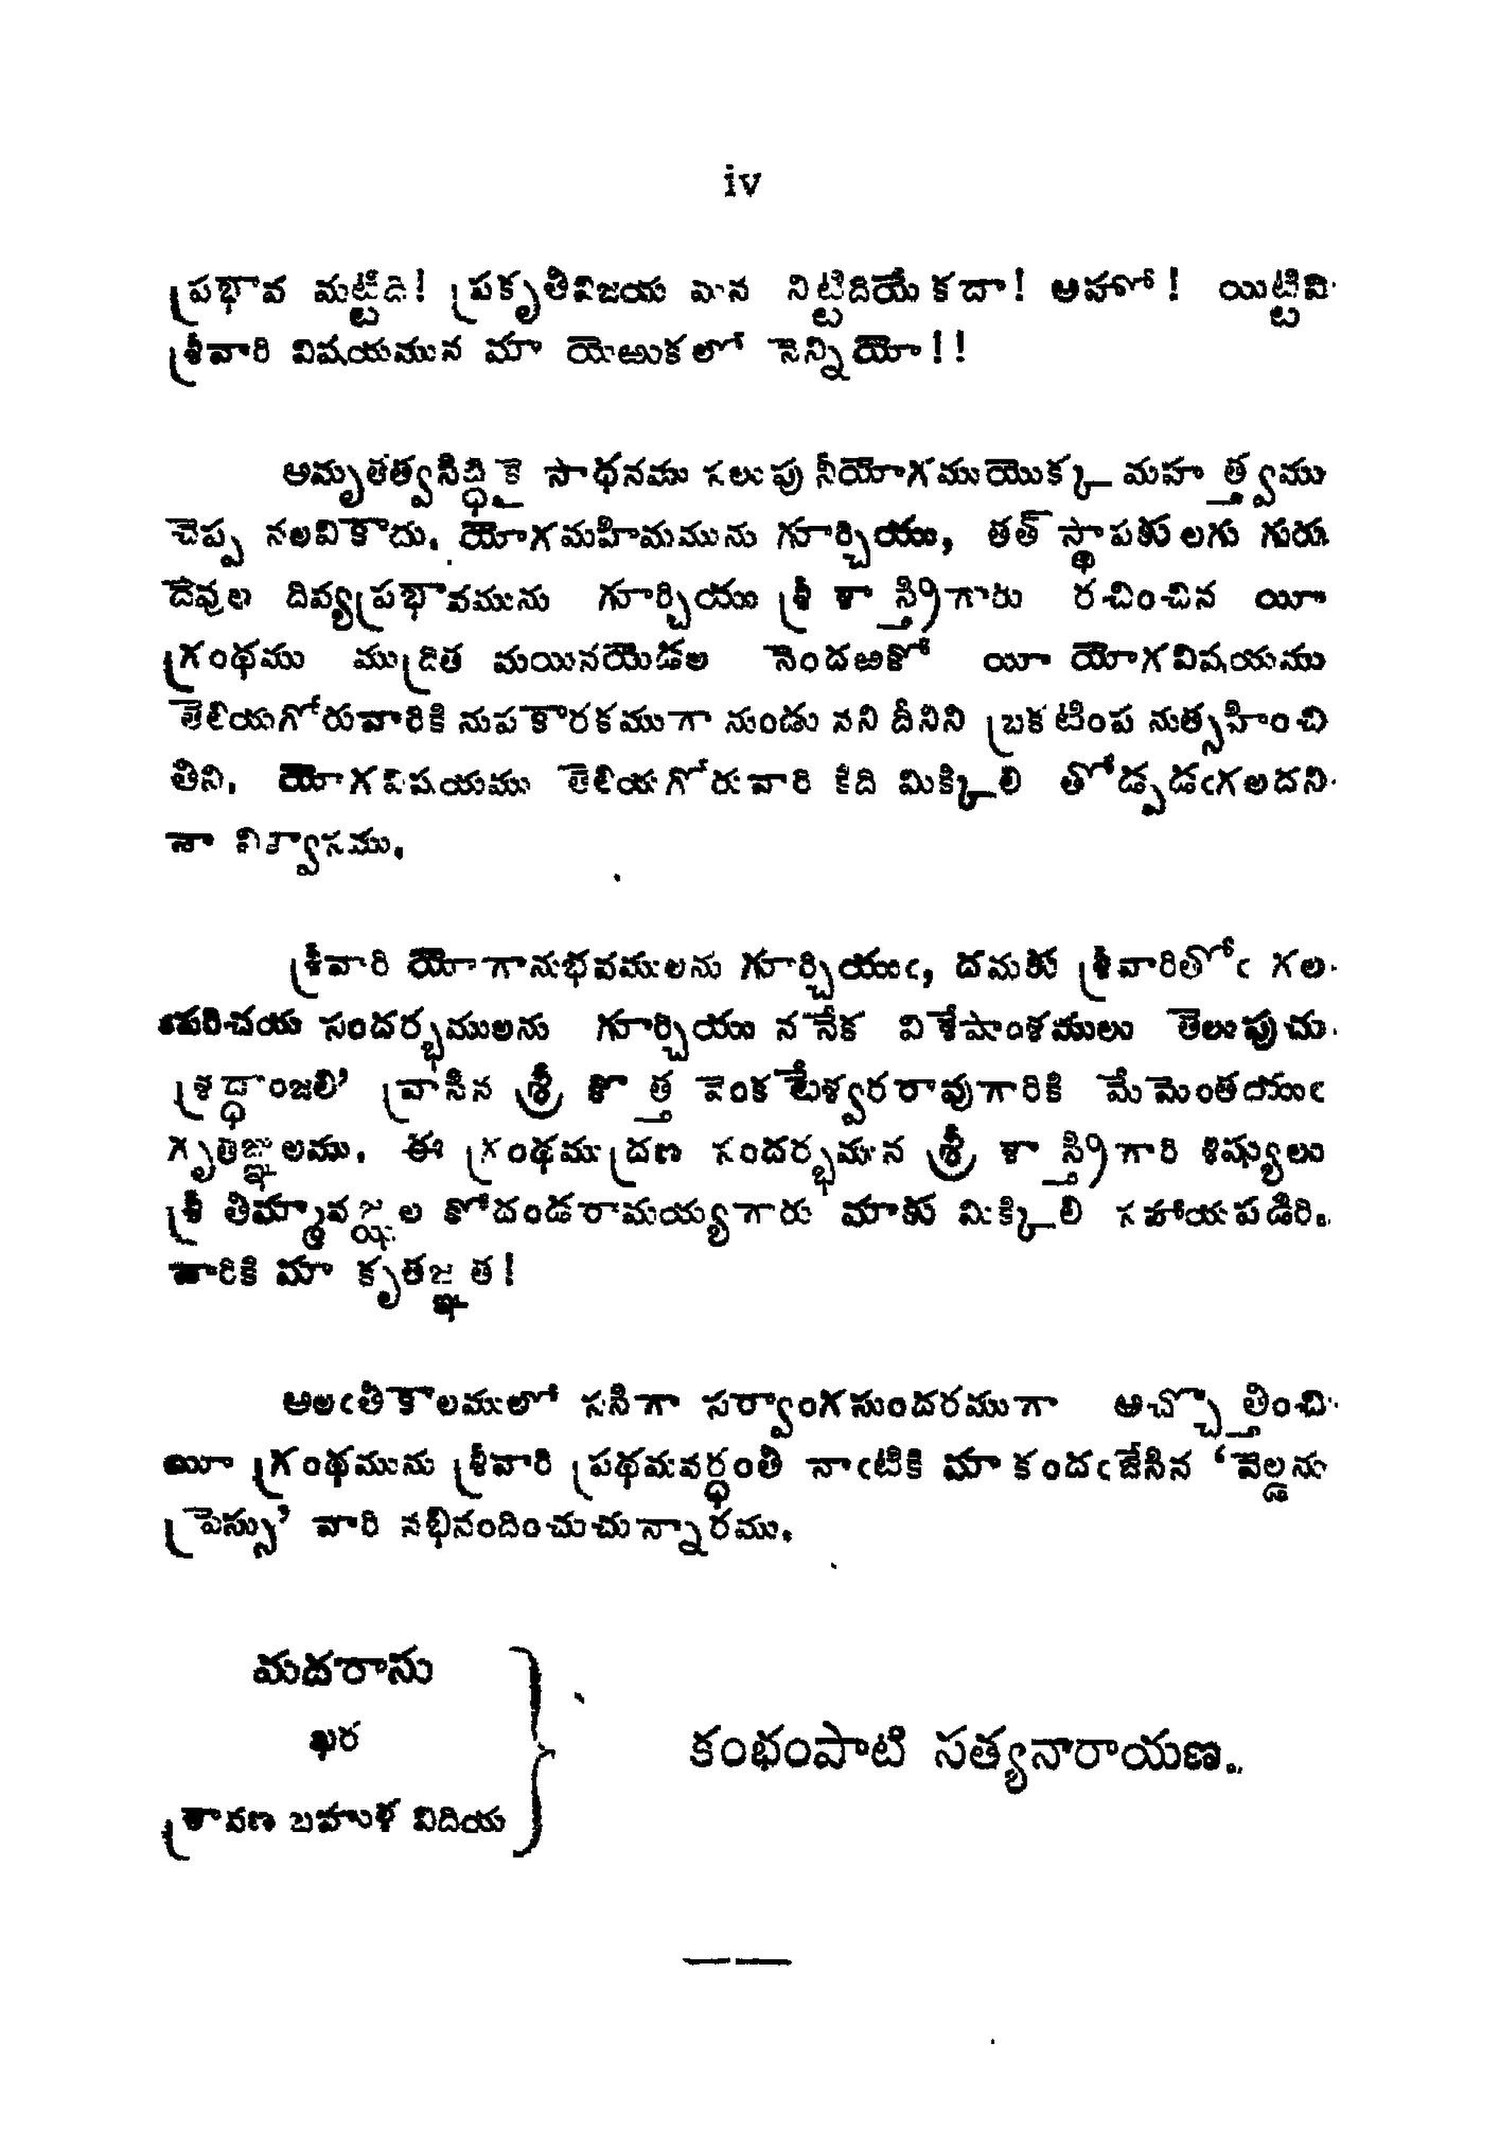ప్రభావ మట్టిది! ప్రకృతి విజయ మన నిట్టిది యేకదా! ఆహొ! యిట్టివి శ్రీవారి విషయమున మా యె ఱుకలో నెన్నియో!!

అమృతత్వసిద్ధికై సాధనము సలుపు నీ యోగమ యొక్క మహాత్త్వము చెప్ప నలవి కాదు. యోగమహిమమును గూర్చియు, తత్ స్దాపకులగు గురుదేవుల దివ్య ప్రభావమును గూర్చియు శ్రీ శాస్త్రి గారు రచించిన యీ గ్రంధము ముద్రిత మయిన యెడల నెందఱకో యీ యోగ విషయము తెలియగోరువారికి నుపకరముగా నుండు నని దీనిని బ్రకటింప నుత్సహించితిని. యోగ విషయము తెలియగోరువారి కిది మిక్కిలి తోడ్పడఁ గలదని నా విశ్వాసము.

శ్రీవారి యోగానుభావములను గూర్చియుఁ, దమకు శ్రీ వారితోఁ గల 'పరిచయ సందర్భములను గూర్చియు ననేక విశేషాంశములు తెలుపుచు శ్రద్ధాంజలి'వ్రాసిన శ్రీ కేఒత్త వెంకటే శ్వరరావు గారికి మే మెంతయుఁ గృతజ్ఞులము. ఈ గ్రంధ ముద్రణ సందర్భమున శ్రీ శాస్త్రి గారి శిష్యులు శ్రీ తిమ్మావ జ్ఝల కోదండ రామయ్యగారు మాకు మిక్కిలి సహాయపడిరి. వారికి మా కృతజ్ఞత!

అలఁతి కాలములో ససిగా సర్వాంగ సుందరముగా అచ్చొంత్తించి యీ గ్రంధమును శ్రీ వారి ప్రధమవర్ధంతి నాఁటికి మా కందఁజేసిన 'వెల్డను ప్రెస్సు'వారి నభినందిచుచున్నారము.

మదరాసు 
 
ఖర
 కంభంపాటి సత్యనారాయణ.
శ్రావణ బహుళ విదియ